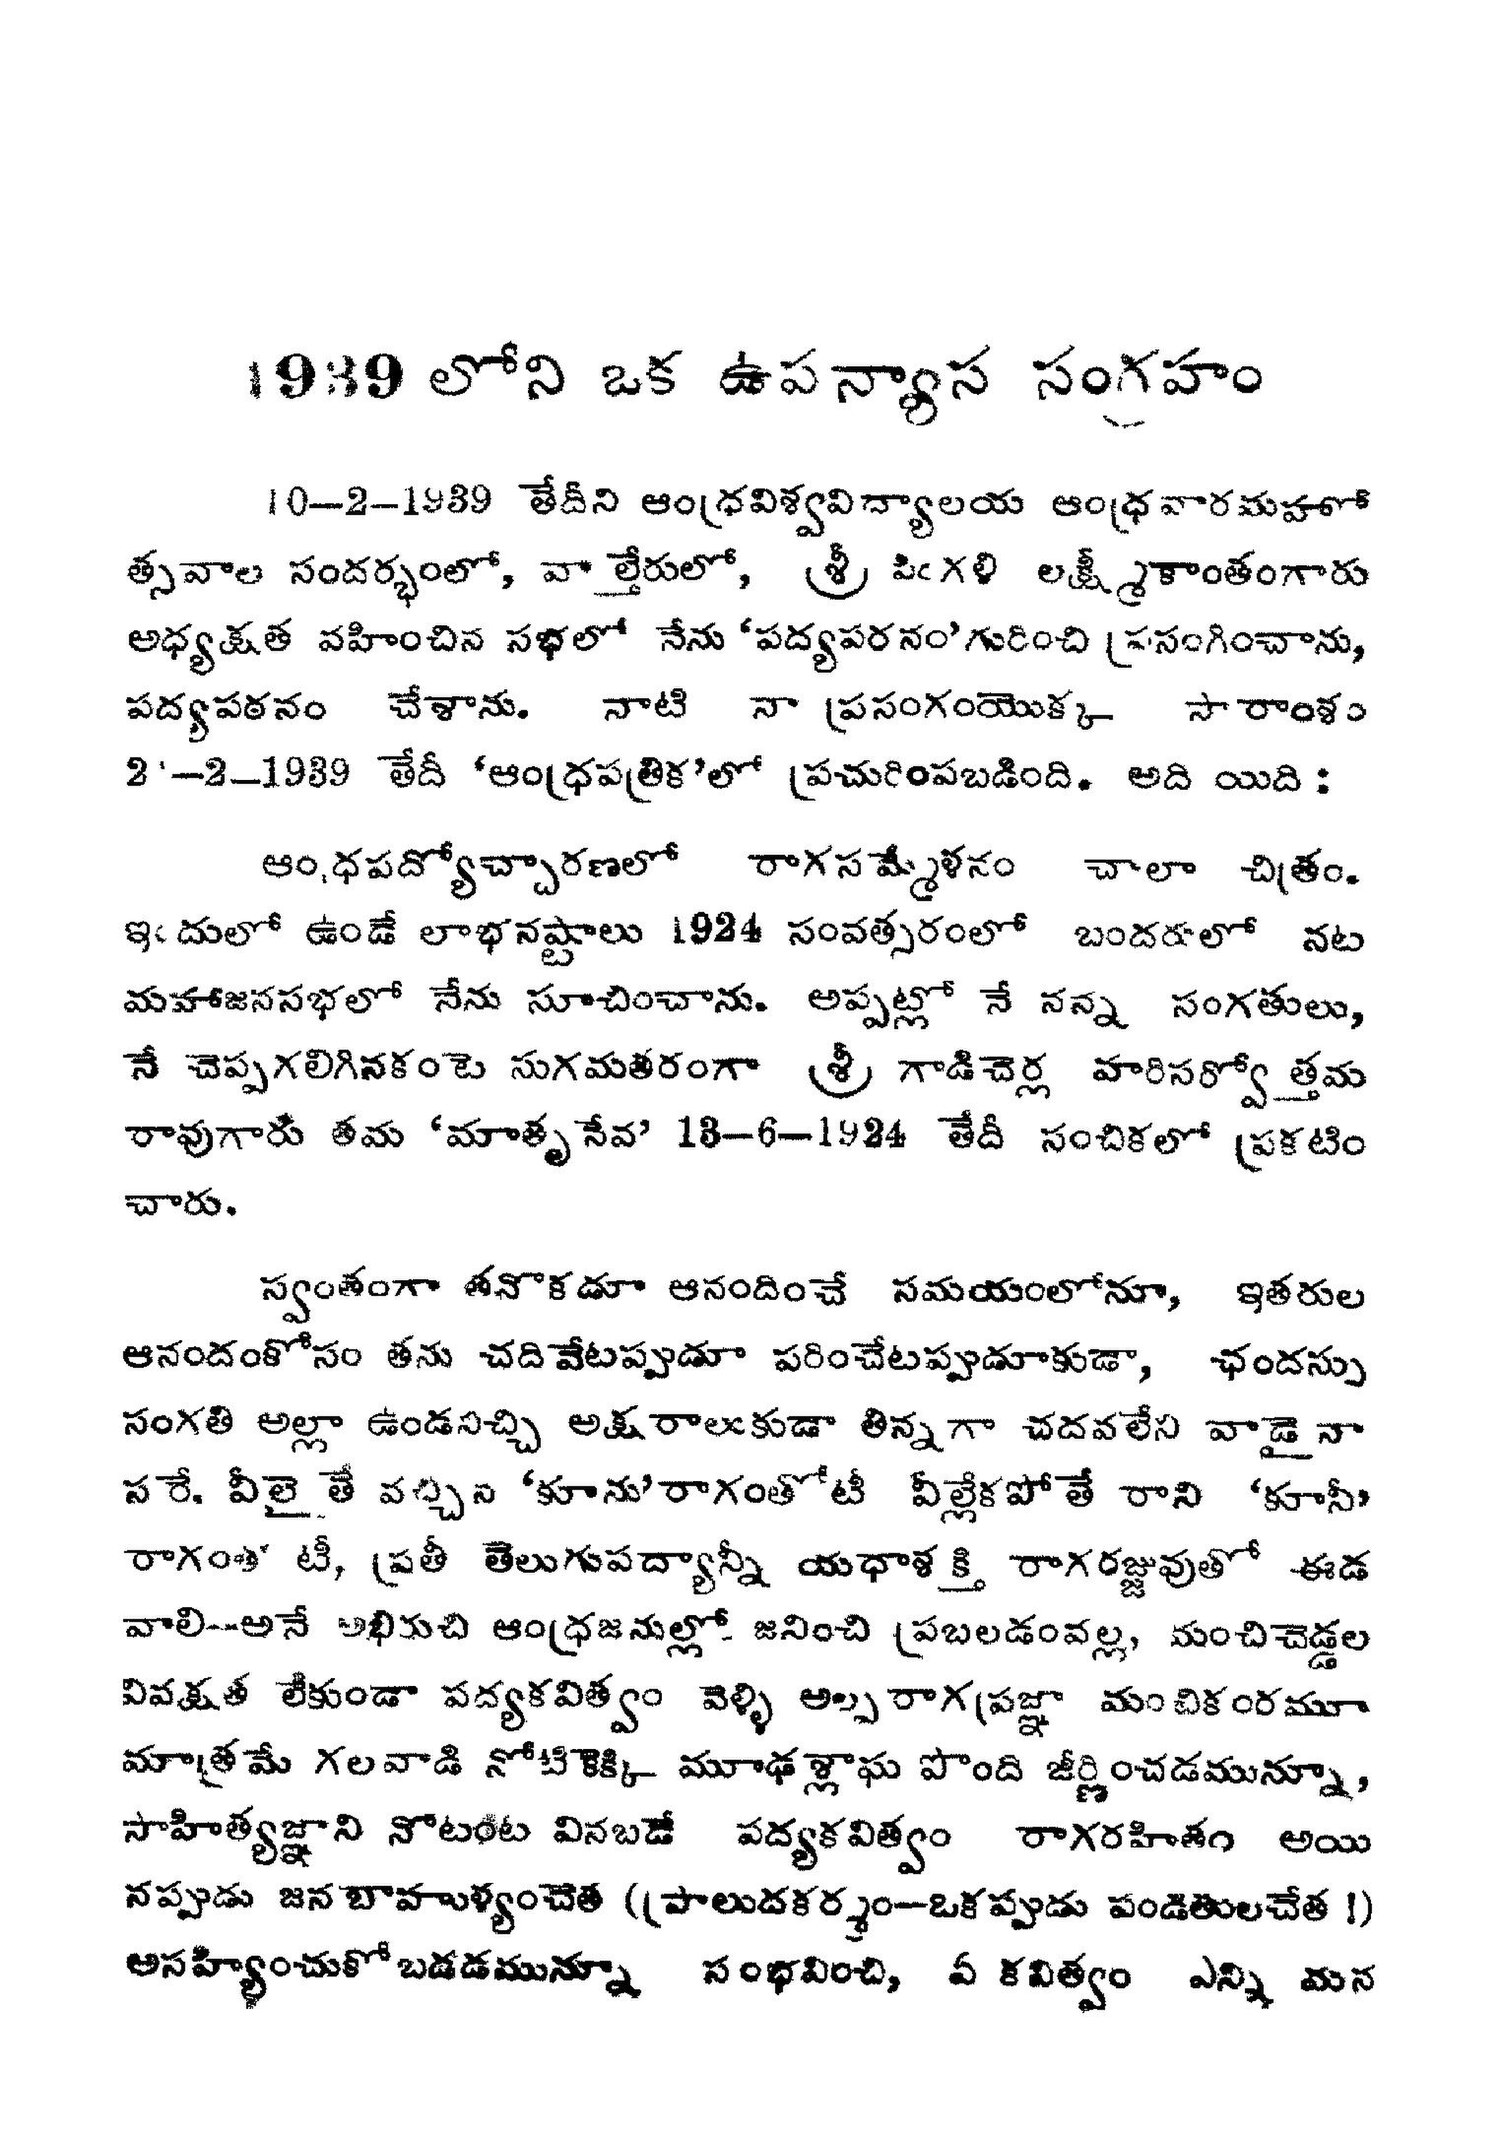1939 లోని ఒక ఉపన్యాస సంగ్రహం

10–2–1939 తేదీని ఆంధ్రవిశ్వవిద్యాలయ ఆంధ్రవారమహో
త్సవాల సందర్భంలో, వాల్తేరులో, శ్రీ పింగళి లక్ష్మీకాంతంగారు
అధ్యక్షత వహించిన సభలో నేను 'పద్యపఠనం' గురించి ప్రసంగించాను,
పద్యపఠనం చేశాను. నాటి నా ప్రసంగంయొక్క సారాంశం
21-2-1939 తేదీ 'ఆంధ్రపత్రిక'లో ప్రచురింపబడింది. అది యిది :

ఆంధ్రపద్యోచ్చారణలో రాగసమ్మేళనం చాలా చిత్రం.
ఇందులో ఉండే లాభనష్టాలు 1924 సంవత్సరంలో బందరులో నట
మహాజనసభలో నేను సూచించాను. అప్పట్లో నే నన్న సంగతులు,
నే చెప్పగలిగినకంటె సుగమతరంగా శ్రీ గాడిచెర్ల హరిసర్వోత్తమ
రావుగారు తమ 'మాతృసేవ' 13–6–1924 తేదీ సంచికలో ప్రకటిం
చారు.

స్వంతంగా తనొకడూ ఆనందించే సమయంలోనూ, ఇతరుల
ఆనందంకోసం తను చదివేటప్పుడూ పఠించేటప్పుడూకుడా, ఛందస్సు
సంగతి అల్లా ఉండనిచ్చి అక్షరాలుకుడా తిన్నగా చదవలేని వాడైనా
సరే. వీలైతే వచ్చిన 'కూను'రాగంతోటీ వీల్లేకపోతే రాని 'కూనీ'
రాగంతోటీ, ప్రతీ తెలుగుపద్యాన్నీ యధాశక్తి రాగరజ్జువుతో ఈడ
వాలి--అనే అభిరుచి ఆంధ్రజనుల్లో జనించి ప్రబలడంవల్ల, మంచిచెడ్డల
వివక్షత లేకుండా పద్యకవిత్వం వెళ్ళి అల్ప రాగప్రజ్ఞా మంచికంఠమూ
మాత్రమే గలవాడి నోటికెక్కి మూఢశ్లాఘ పొంది జీర్ణించడమున్నూ,
సాహిత్యజ్ఞాని నోటంట వినబడే పద్యకవిత్వం రాగరహితం అయి
నప్పుడు జనబాహుళ్యంచేత (ప్రాలుదకర్మం – ఒకప్పుడు పండితులచేత !)
అసహ్యించుకోబడడమున్నూ సంభవించి, ఏ కవిత్వం ఎన్ని మన